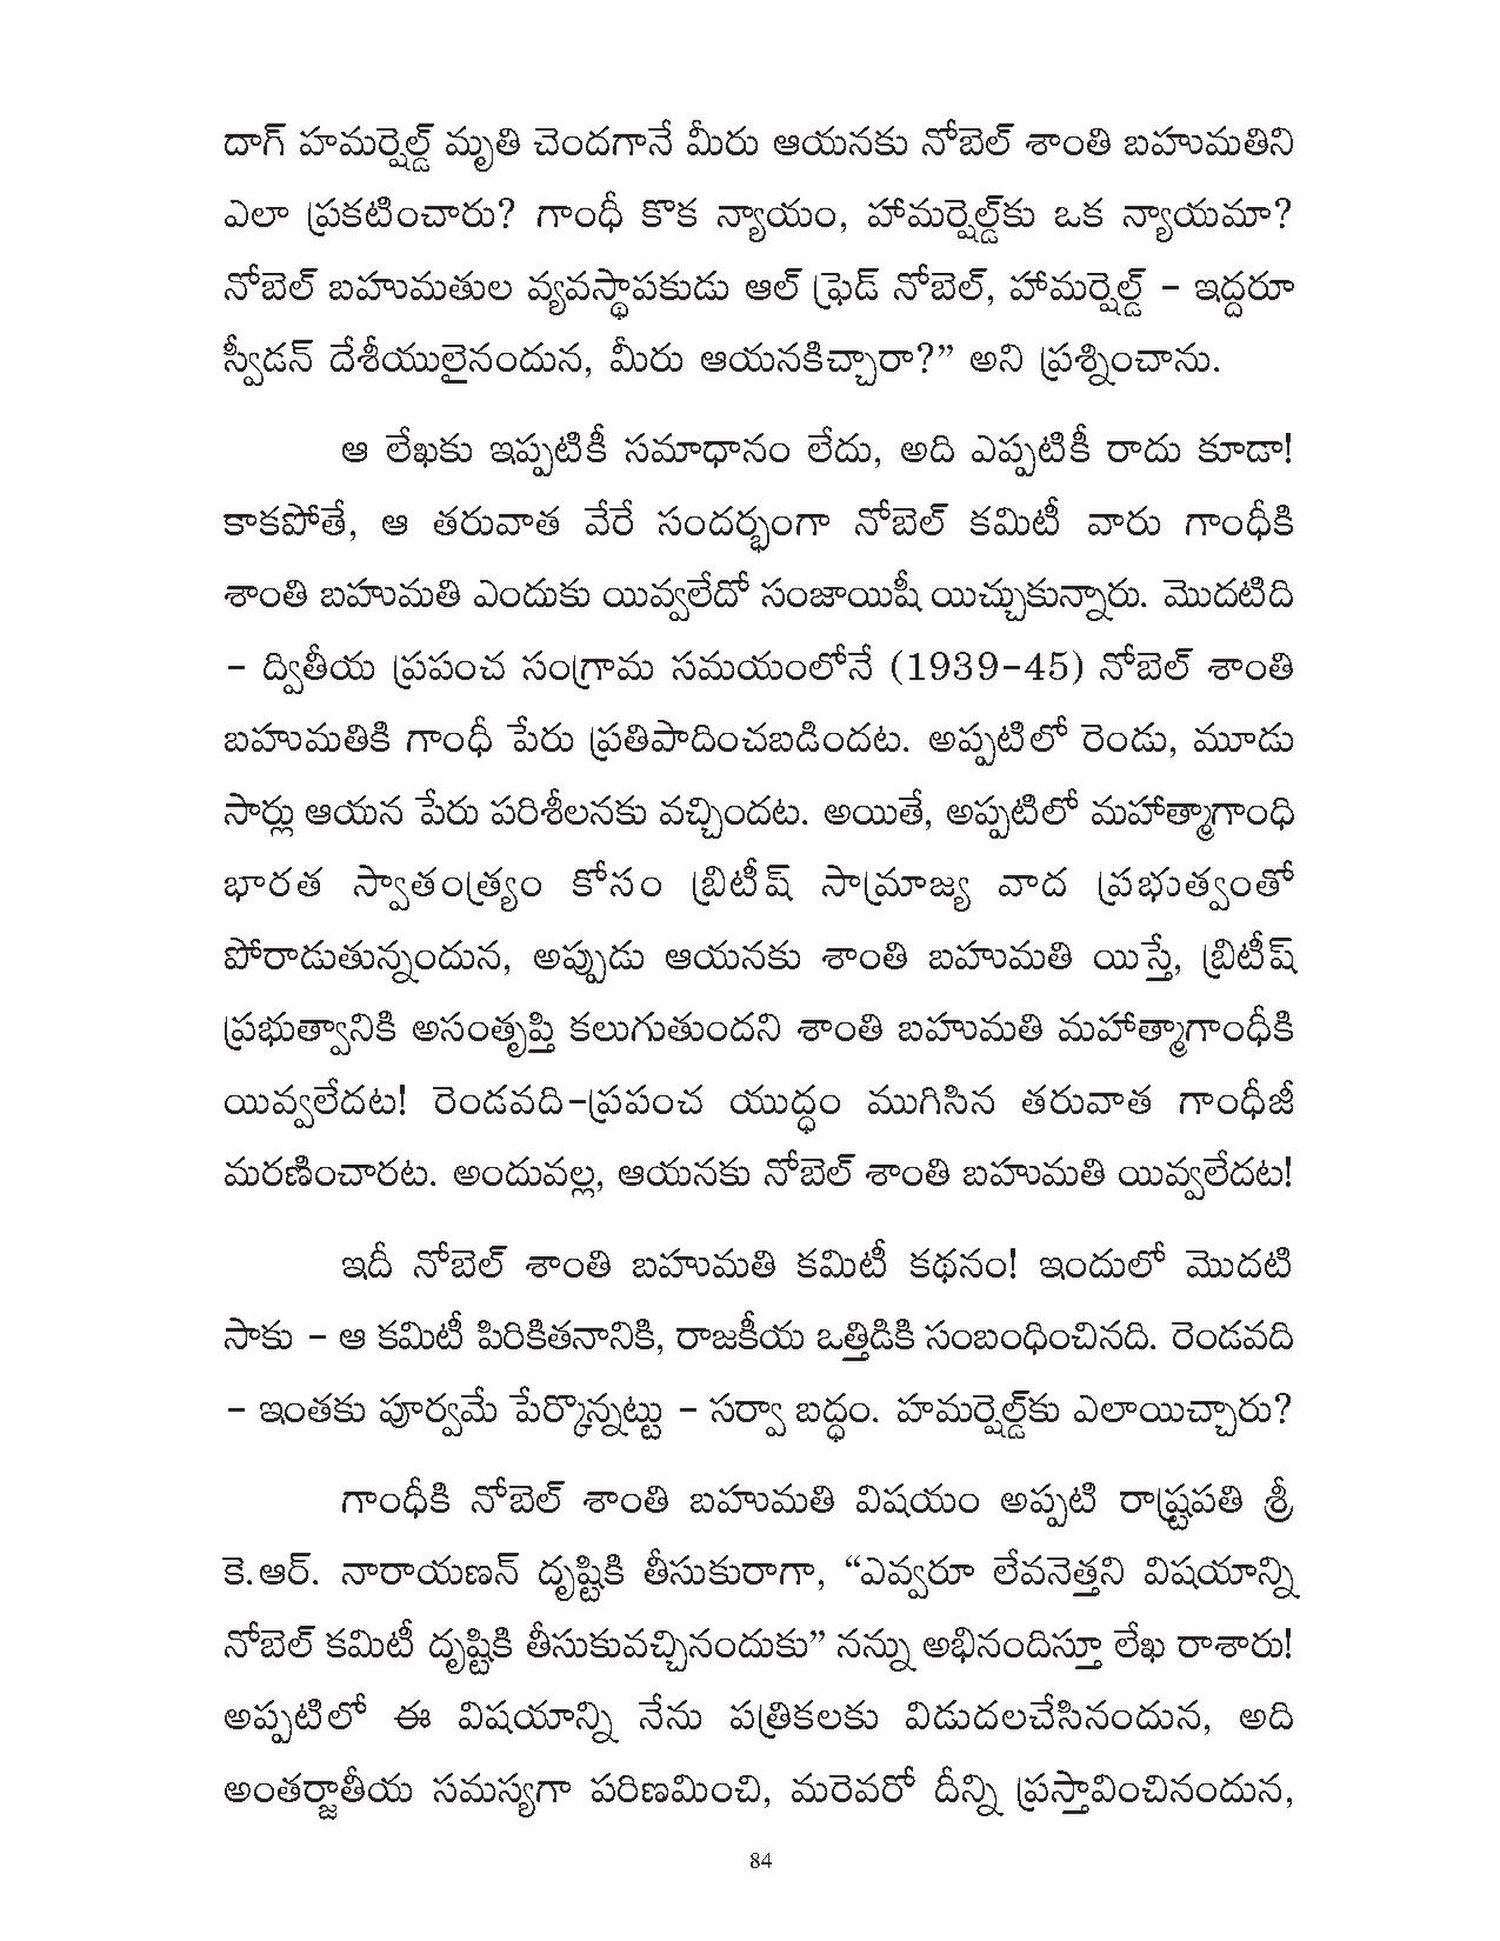దాగ్‌ హమర్షెల్డ్‌ మృతి చెందగానే మీరు ఆయనకు నోబెల్‌ శాంతి బహుమతిని
ఎలా ప్రకటించారు? గాంధీ కొక న్యాయం, హామర్షెల్డ్‌కు ఒక న్యాయమా?
నోబెల్‌ బహుమతుల వ్యవస్థాపకుడు ఆల్‌ ఫ్రెడ్ నోబెల్‌, హామర్షెల్డ్‌ - ఇద్దరూ
స్వీడన్‌ దేశీయులైనందున, మీరు ఆయనకిచ్చారా?" అని ప్రశ్నించాను.

ఆ లేఖకు ఇప్పటికీ సమాధానం లేదు, అది ఎప్పటికీ రాదు కూడా!
కాకపోతే, ఆ తరువాత వేరే సందర్భంగా నోబెల్‌ కమిటీ వారు గాంధీకి
శాంతి బహుమతి ఎందుకు యివ్వలేదో సంజాయిషీ యిచ్చుకున్నారు. మొదటిది
- ద్వితీయ ప్రపంచ సంగ్రామ సమయంలోనే (1939-45) నోబెల్‌ శాంతి
బహుమతికి గాంధీ పేరు ప్రతిపాదించబడిందట. అప్పటిలో రెండు, మూడు
సార్లు ఆయన పేరు పరిశీలనకు వచ్చిందట. అయితే, అప్పటిలో మహాత్మాగాంధి
భారత స్వాతంత్య్రం కోసం బ్రిటీష్‌ సామ్రాజ్య వాద ప్రభుత్వంతో
పోరాడుతున్నందున, అప్పుడు ఆయనకు శాంతి బహుమతి యిస్తే, బ్రిటీష్‌
ప్రభుత్వానికి అసంతృప్తి కలుగుతుందని శాంతి బహుమతి మహాత్మాగాంధీకి
యివ్వలేదట! రెండవది-ప్రపంచ యుద్ధం ముగిసిన తరువాత గాంధీజీ
మరణించారట. అందువల్ల, ఆయనకు నోబెల్‌ శాంతి బహుమతి యివ్వలేదట!

ఇదీ నోబెల్‌ శాంతి బహుమతి కమిటీ కథనం! ఇందులో మొదటి
సాకు - ఆ కమిటీ పిరికితనానికి, రాజకీయ ఒత్తిడికి సంబంధించినది. రెండవది
- ఇంతకు పూర్వమే పేర్కొన్నట్టు - సర్వా బద్ధం. హమర్షెల్డ్‌కు ఎలాయిచ్చారు?

గాంధీకి నోబెల్‌ శాంతి బహుమతి విషయం అప్పటి రాష్ట్రపతి శ్రీ
కె.ఆర్‌. నారాయణన్‌ దృష్టికి తీసుకురాగా, "ఎవ్వరూ లేవనెత్తని విషయాన్ని
నోబెల్‌ కమిటీ దృష్టికి తీసుకువచ్చినందుకు" నన్ను అభినందిస్తూ లేఖ రాశారు!
అప్పటిలో ఈ విషయాన్ని నేను పత్రికలకు విడుదలచేసినందున, అది
అంతర్జాతీయ సమస్యగా పరిణమించి, మరెవరో దీన్ని ప్రస్తావించినందున,